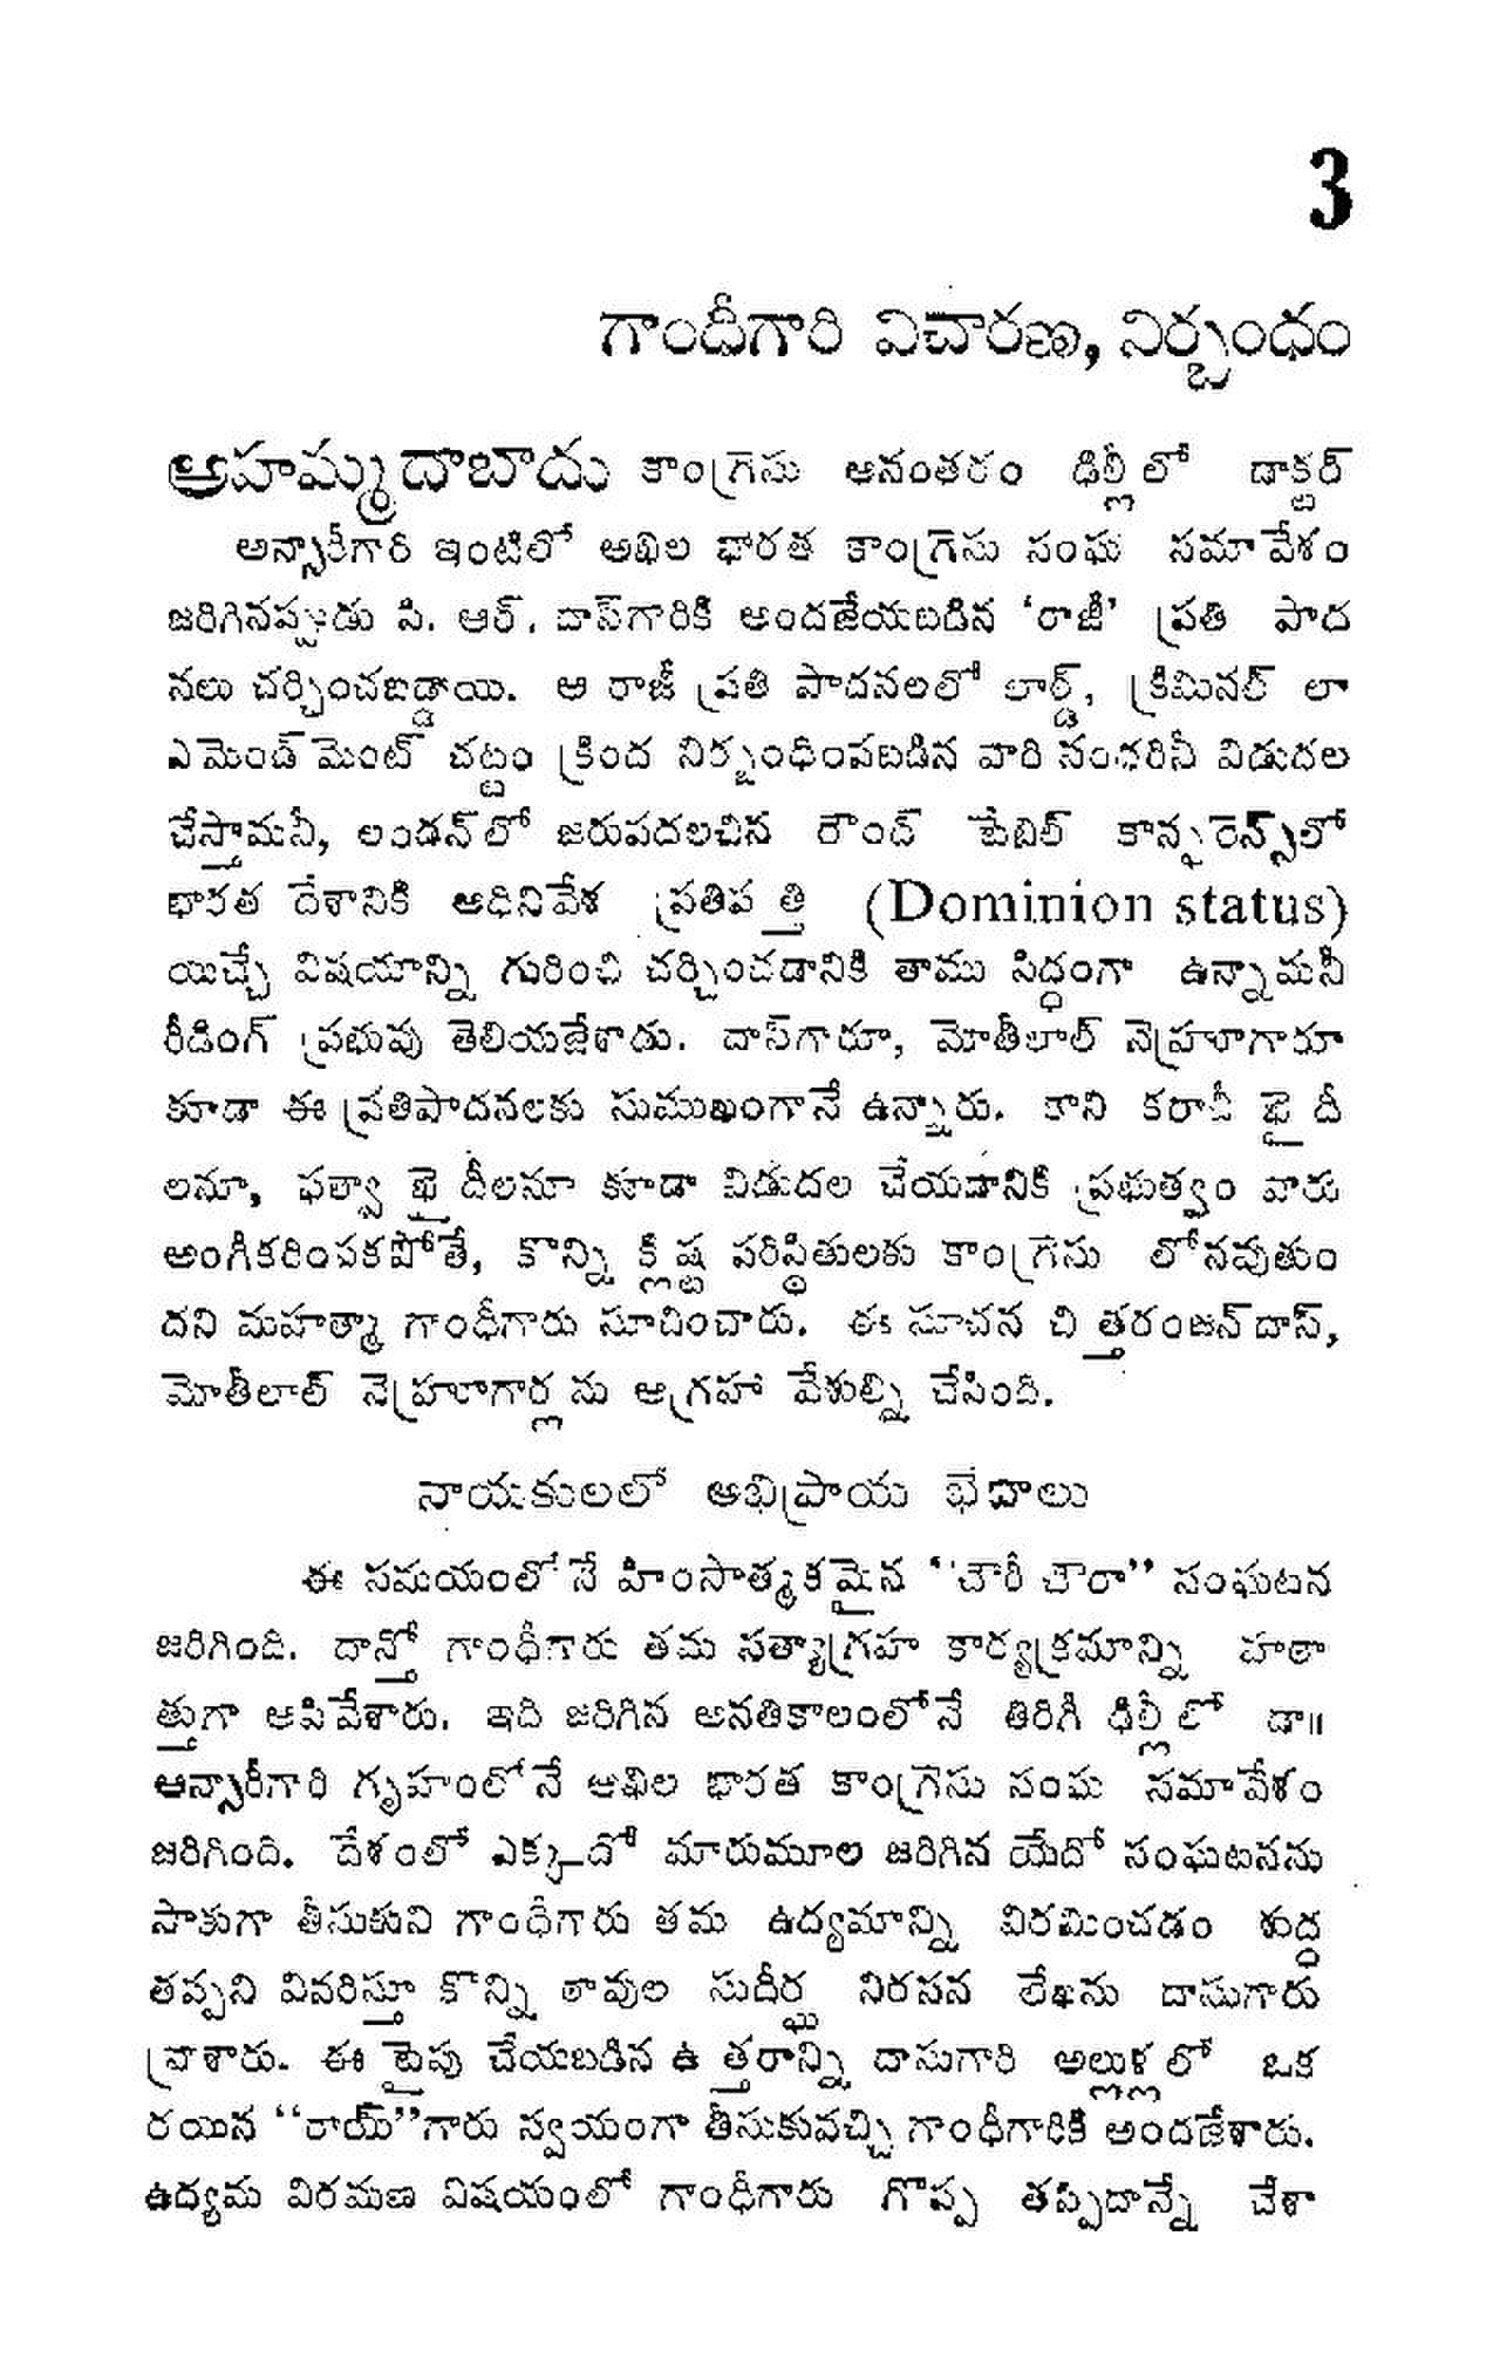అహమ్మదాబాదు కాంగ్రెసు అనంతరం ఢిల్లీలో డాక్టర్ అన్సారీ గారి ఇంటిలో అఖిల భారత కాంగ్రెసు సంఘ సమావేశం జరిగినప్పుడు సి.ఆర్. దాస్‌గారికి అందజేయబడిన "రాజీ" ప్రతి పాదనలు చర్చించబడ్డాయి. ఆ రాజీ ప్రతి పాదనలలో లార్డ్, క్రిమినల్ లా ఎమెండ్ మెంట్ చట్టం క్రింద నిర్బంధింపబడిన వారి నందరినీ విడుదల చేస్తామనీ, లండన్‌లో జరుపదలచిన రౌండ్ టేబిల్ కాన్పరెన్స్‌లో భారత దేశానికి అధినివేశ ప్రతిపత్తి (Dominion status)యిచ్చే విషయాన్ని గురించి చర్చించడానికి తాము సిద్ధంగా ఉన్నామనీ రీడింగ్ ప్రభువు తెలియజేశాడు. దాస్‌గారూ, మోతిలాల్ నెహ్రూగారూ కూడా ఈ ప్రతిపాదనలకు సుముఖంగానే ఉన్నారు. కానీ కరాచీ ఖైదీలనూ, ఫత్వా ఖైదీలనూ కూడా విడుదల చేయడానికి ప్రభుత్వం వారు అంగీకరింపకపోతే, కొన్ని క్లిష్ట పరిస్థితులకు కాంగ్రెసు లోనవుతుందని మహాత్మా గాంధీగారు సూచించారు. ఈ సూచన చిత్తరంజన్ దాస్, మోతిలాల్ నెహ్రూగార్లను ఆగ్రహా వేశుల్ని చేసింది.

ఈ సమయంలోనే హింసాత్మకమైన "చౌరీ చౌరా" సంఘటన జరిగింది. దాన్తో గాంధీగారు తమ సత్యాగ్రహ కార్యక్రమాన్ని హఠాత్తుగా ఆపివేశారు. ఇది జరిగిన అనతికాలంలోనే తిరిగి డిల్లీలో డా|| అన్సారీగారి గృహంలోనే అఖిల భారత కాంగ్రెసు సంఘ సమావేశం జరిగింది. దేశంలో ఎక్కడో మారుమూల జరిగిన యేదో సంఘటనను సాకుగా తీసుకొని గాంధీగారు తమ ఉద్యమాన్ని విరమించడం శుద్ద తప్పని వివరిస్తూ కొన్ని ఠావుల సుదీర్ఘ నిరసన లేఖను దాసుగారు వ్రాశారు. ఈ టైపు చేయబడిన ఉత్తరాన్ని దాసుగారి అల్లుళ్లలో ఒకరయిన "రాయ్"గారు స్వయంగా తీసుకువచ్చి గాంధీగారికి అందజేశారు. ఉద్యమ విరమణ విషయంలో గాంధీగారు గొప్ప తప్పిదాన్నే చేశా